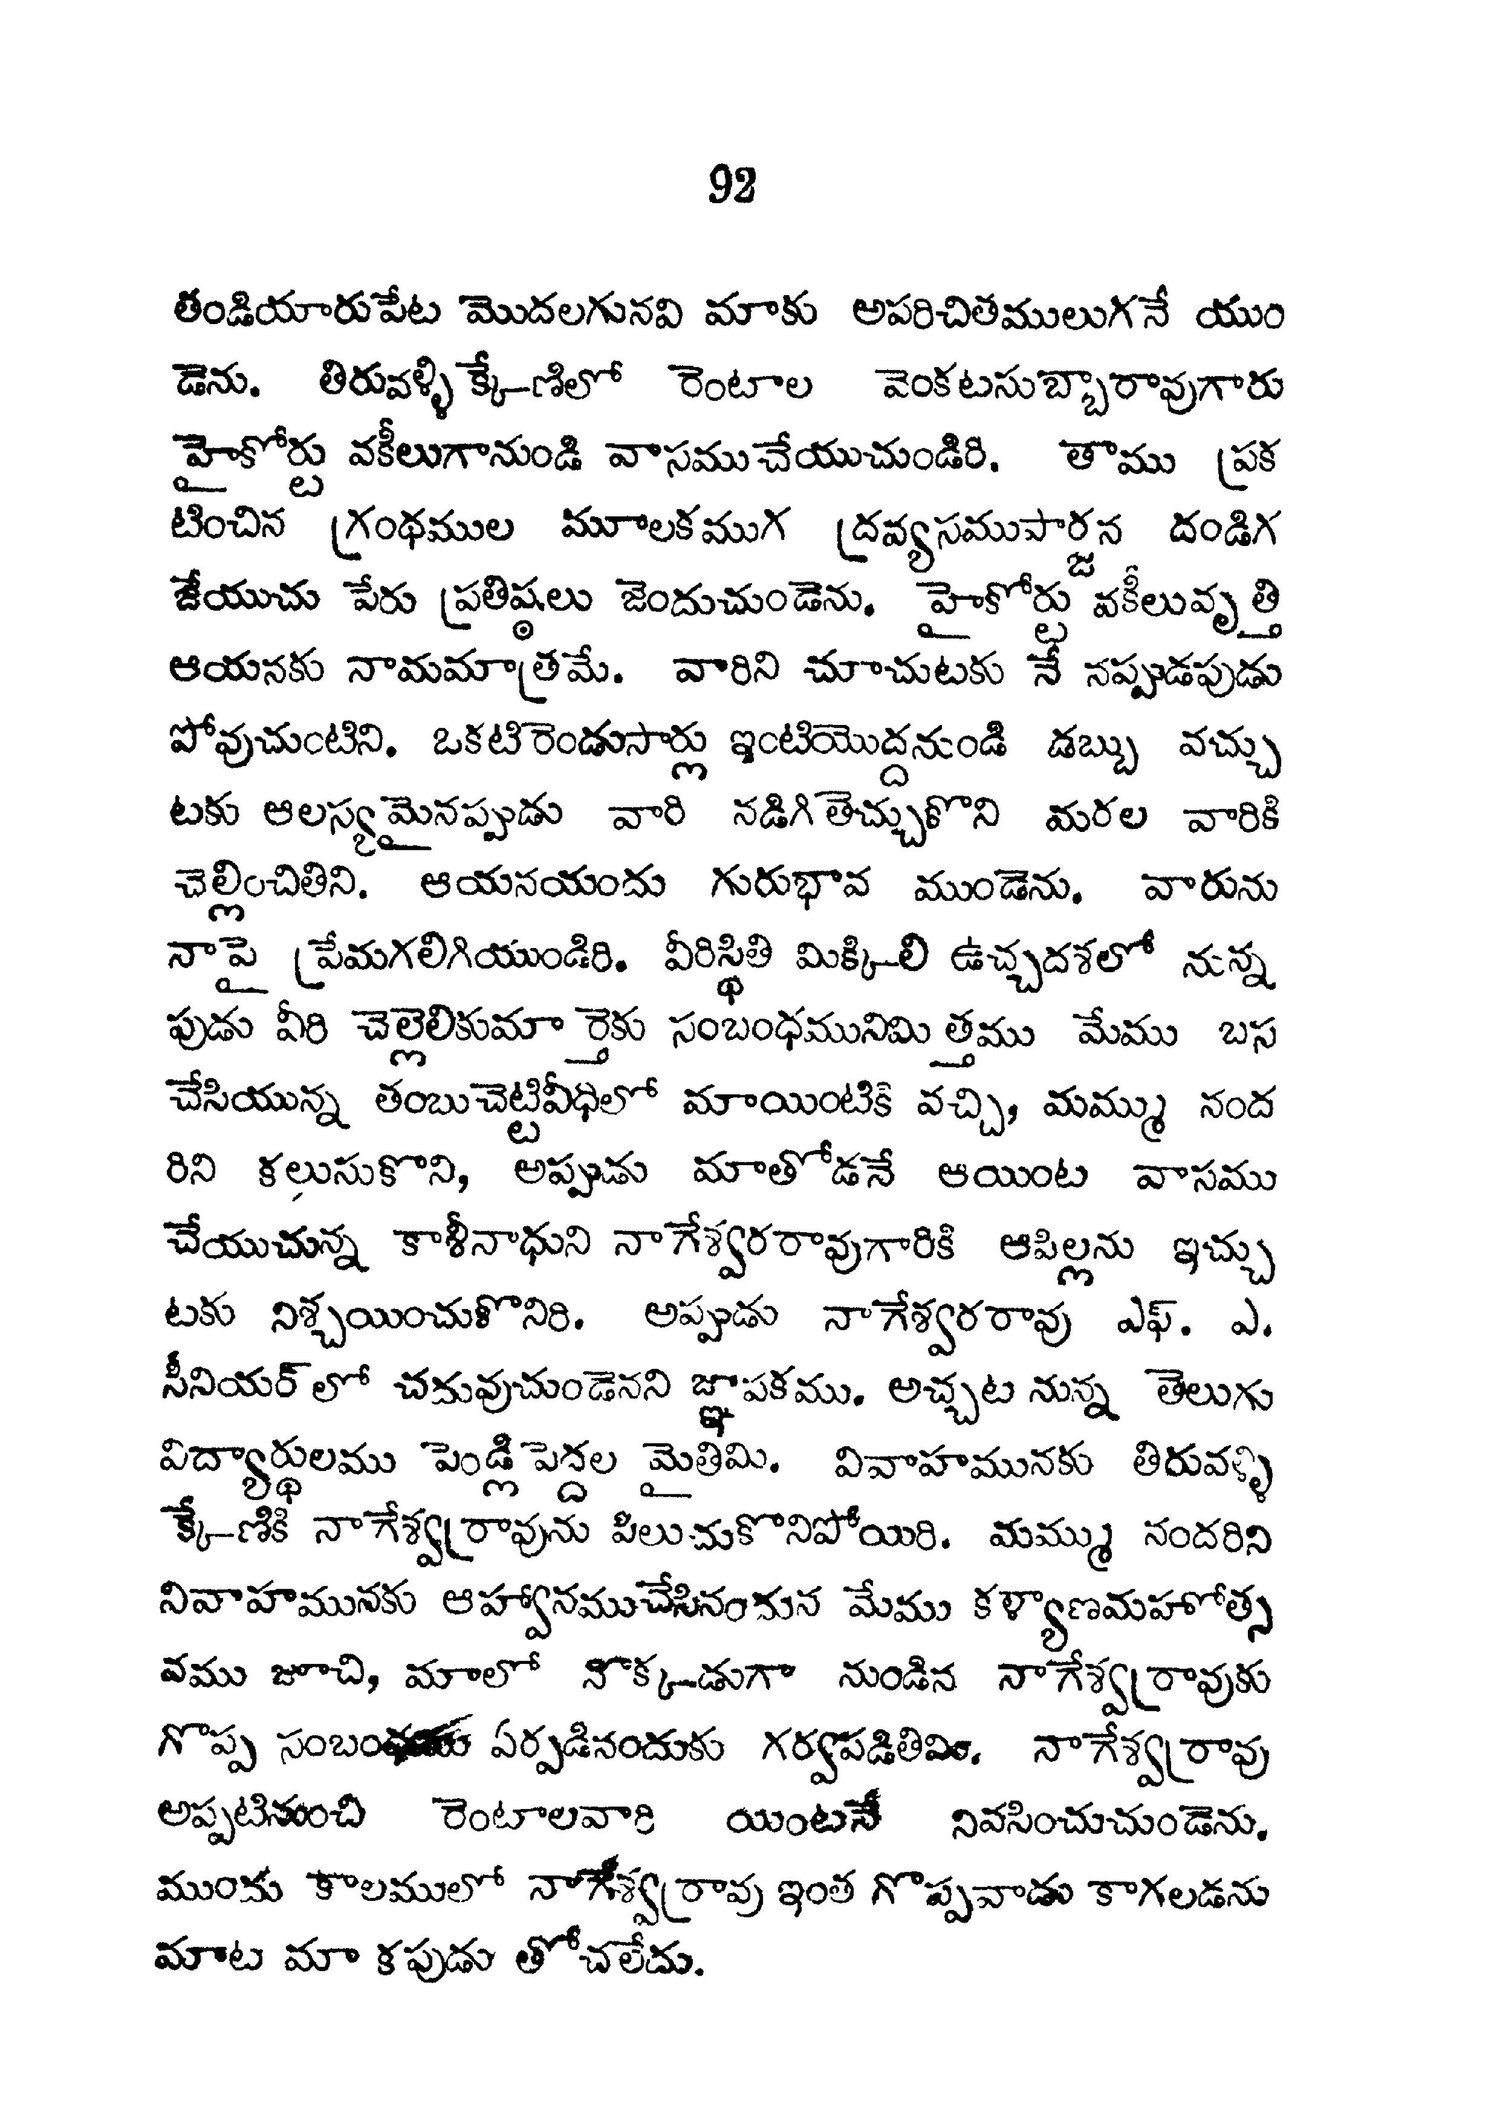తండియారుపేట మొదలగునవి మాకు అపరిచితములుగనే యుండెను. తిరువళ్ళిక్కేణిలో రెంటాల వెంకటసుబ్బారావుగారు హైకోర్టు వకీలుగానుండి వాసముచేయుచుండిరి. తాము ప్రకటించిన గ్రంథముల మూలకముగ ద్రవ్యసముపార్జన దండిగ జేయుచు పేరు ప్రతిష్ఠలు జెందుచుండెను. హైకోర్టు వకీలువృత్తి ఆయనకు నామమాత్రమే. వారిని చూచుటకు నే నప్పుడప్పుడు పోవుచుంటిని. ఒకటిరెండుసార్లు ఇంటియొద్దనుండి డబ్బు వచ్చుటకు ఆలస్యమైనప్పుడు వారి నడిగితెచ్చుకొని మరల వారికి చెల్లించితిని. ఆయనయందు గురుభావ ముండెను. వారును నాపై ప్రేమగలిగియుండిరి. వీరిస్థితి మిక్కిలి ఉచ్చదశలో నున్నపుడు వీరి చెల్లిలికుమార్తెకు సంబంధమునిమిత్తము మేము బసచేసియున్న తంబుచెట్టివీధిలో మాయింటికి వచ్చి, మమ్ము నందరిని కలుసుకొని, అప్పుడు మాతోడనే ఆయింట వాసము చేయుచున్న కాశీనాథుని నాగేశ్వరరావుగారికి ఆపిల్లను ఇచ్చుటకు నిశ్చయించుకొనిరి. అప్పుడు నాగేశ్వరరావు ఎఫ్. ఎ. సీనియర్‌లో చదువుచుండెనని జ్ఞాపకము. అచ్చట నున్న తెలుగు విద్యార్థులము పెండ్లి పెద్దల మైతిమి. వివాహమునకు తిరువళ్ళిక్కేణికి నాగేశ్వర్రావును పిలుచుకొనిపోయిరి. మమ్ము నందరిని వివాహమునకు ఆహ్వానము చేసినందున మేము కళ్యాణమహోత్సవము జూచి, మాలో నొక్కడుగా నుండిన నాగేశ్వర్రావుకు అప్పటినుంచి రెంటాలవారి యింటనే నివసించుచుండెను. ముందు కాలములో నాగేశ్వర్రావు ఇంత గొప్పవాడు కాగలడను మాట మా కపుడు తోచలేదు.